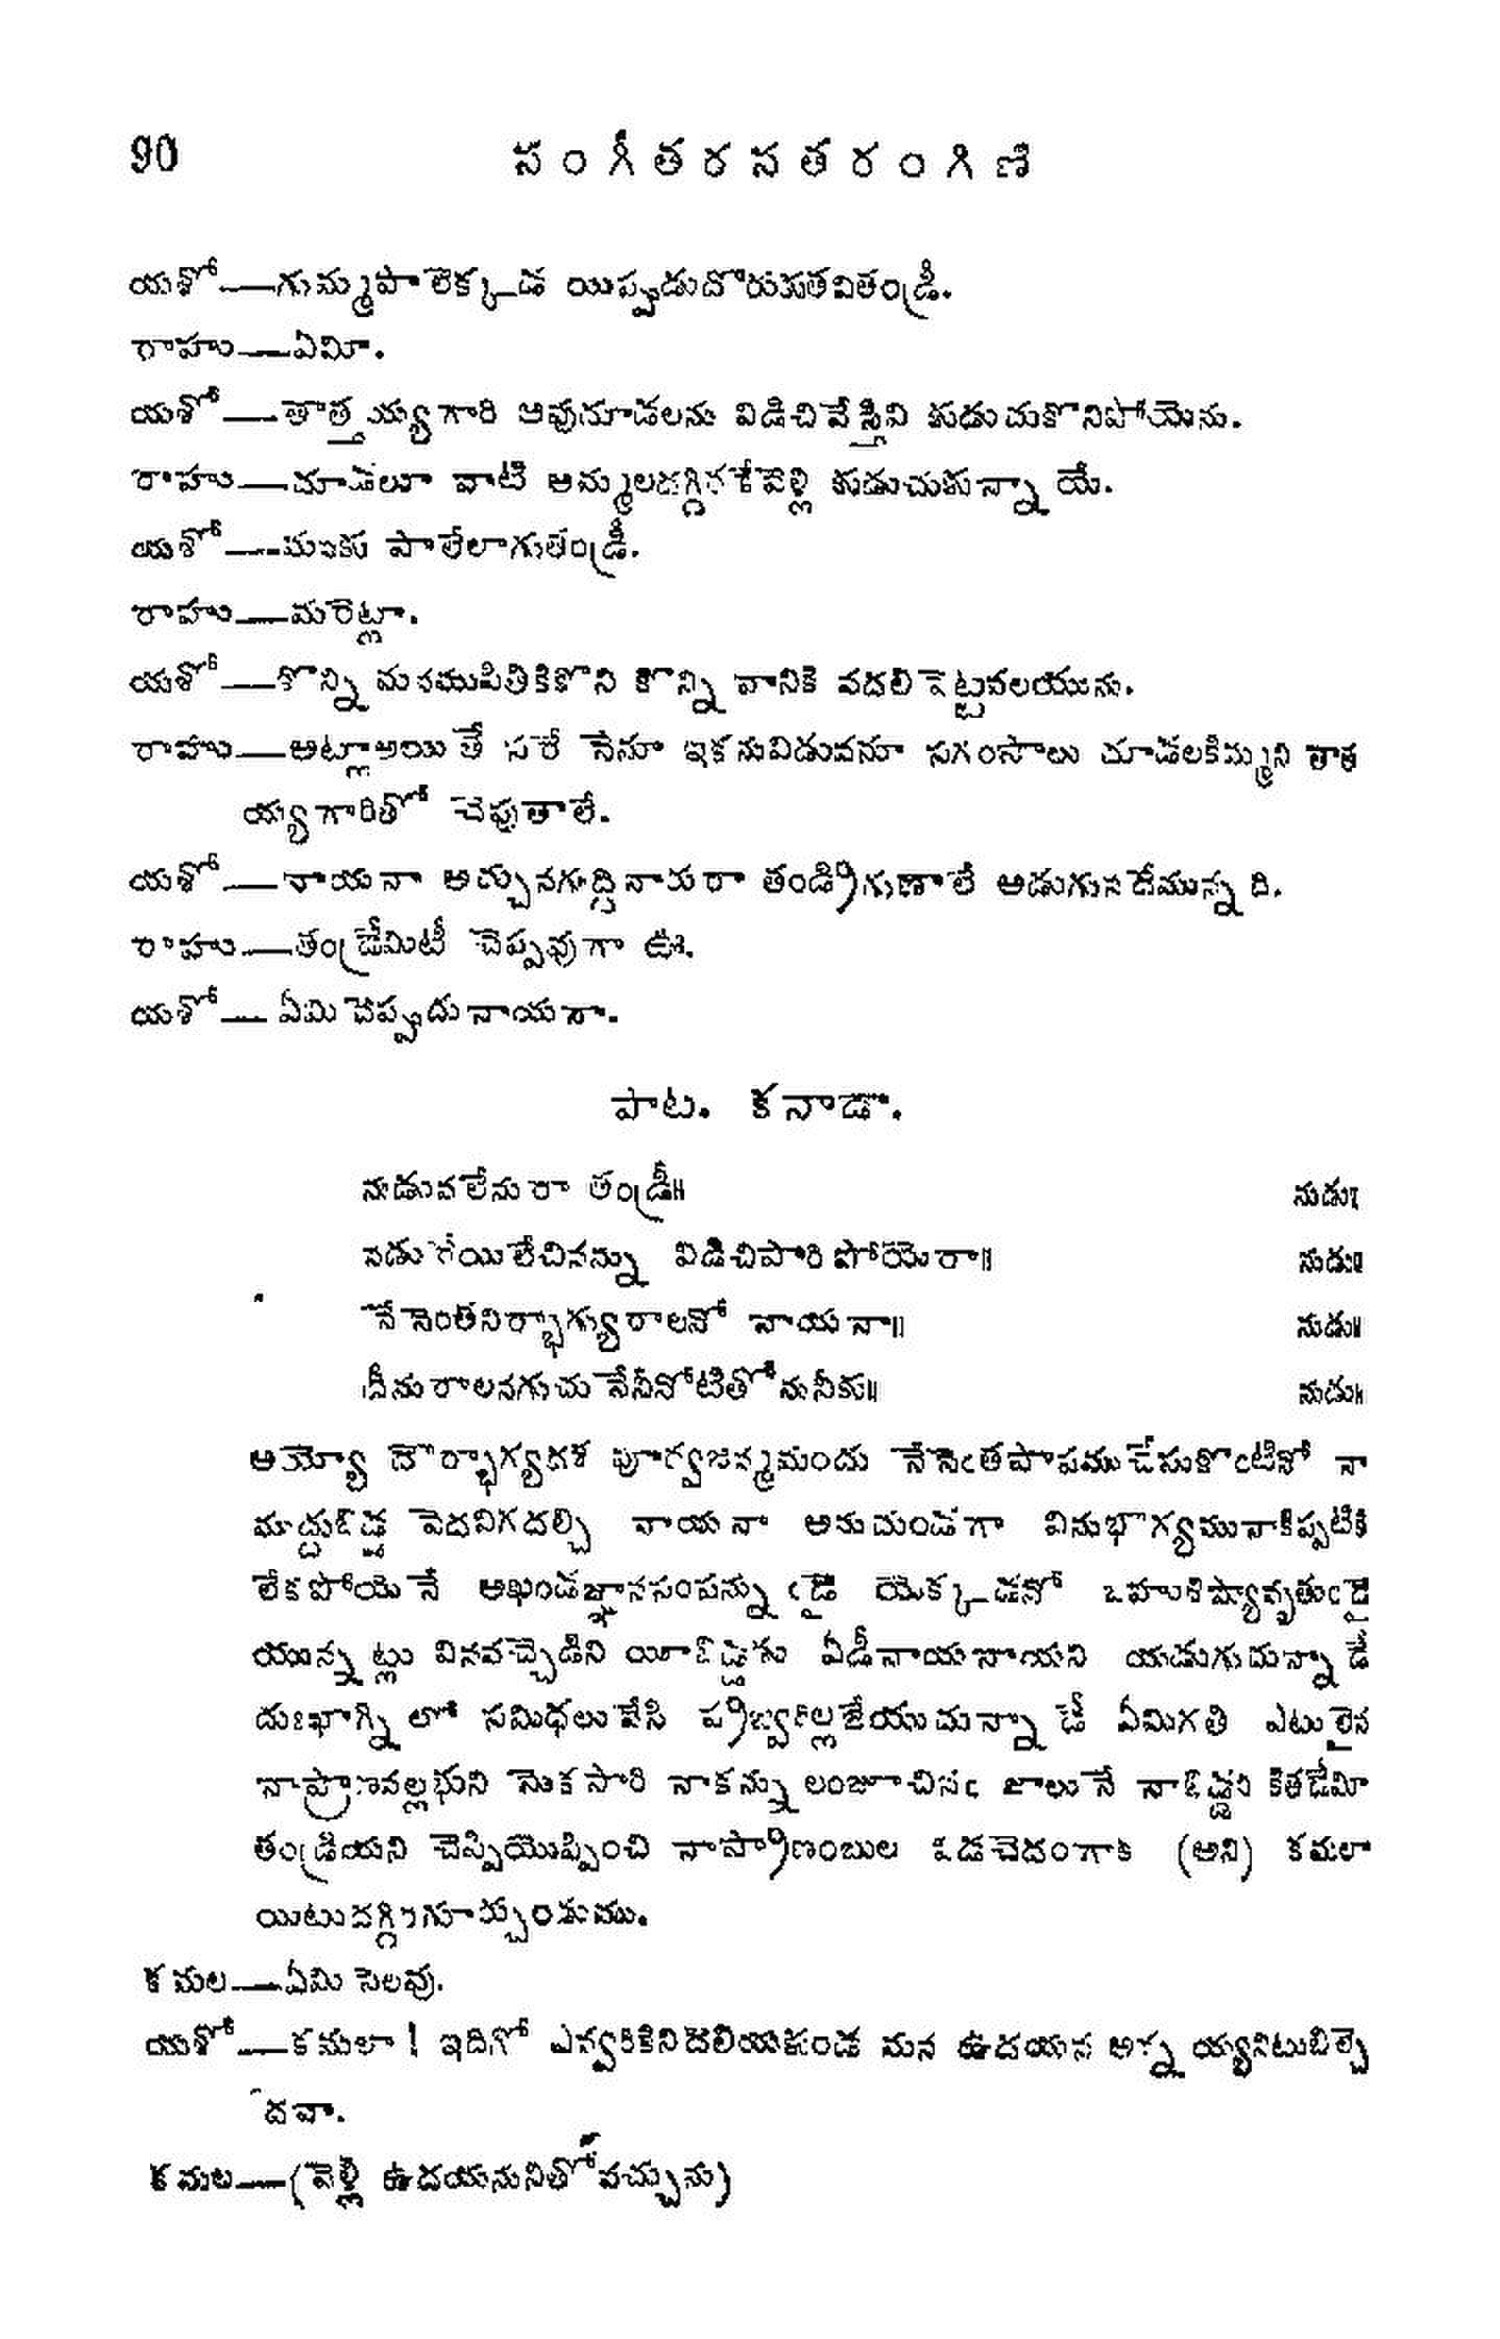యశో — గుమ్మపాలెక్కడ యిప్పుడు దొరుకుతవితండ్రీ.

రాహు - ఏమో.

యశో - తాతయ్య గారి అవుదూడలను విడిచివేస్తిని కుడుచుకొనిపోయెను.

రాహు — దూడలూ వాటి ఆమ్మలదగ్గిరకే వెళ్లి కుడుచుకున్నాయే.

యశో - మనకు పాలేలాగుతండ్రీ.

రాహు - మరెట్టా.

యశో - కొన్ని మనముపితికికొని కొన్ని వానికి వదిలి పెట్టవలయును.

రాహు — అట్లాఅయితే సరే నేనూ ఇకనువిడువనూ సగంసాలు దూడలకిమ్మని తాతయ్యగారితో చెపుతాలే.

యశో — నాయనా అచ్చునగుద్దినరురా తండ్రిగుణాలే అడుగునదేమున్నది.

రాహు — తండ్రేమిటీ చెప్పవుగా ఊ.

యశో - ఏమి చెప్పుదు నాయనా.

నడువలేను రా తండ్రి॥ ॥నుడు॥
నాడురేయిలేచినన్ను విడిచిపొరిపోయెరా॥ ॥నుడు॥ 
నేనెంత నిర్భాగ్యురాలనో నాయనా॥ ॥నుడు॥ 
ధీనురాలనగుచునేనీనోటితోను నీకు॥ ॥నుడు॥  

అయ్యో దౌర్భాగ్యదశ పూర్వజన్మమందు నేనెంతపాపముచేసుకొంటినో నా ముద్దుబిడ్డ పెదనిగదల్చి నాయనా అనుచుండగా విను భాగ్యమునాకిప్పటికి లేకపోయెనే అఖండ జ్ఞానసంపన్నుఁడై యెక్కడనో బహుశిశిష్యావృతుండై యున్నట్లు వినవచ్చెడిని యీబిడ్డను 
ఏడీనాయనాయని యడుగుతున్నాడే దుఃఖాగ్నిలో సమిధలువేసి ప్రజ్వరిల్లజేయుచున్నాడే ఏమిగతి ఎటులైన నాప్రాణవల్లభుని 
ఒకసారి నాకన్నులంజూచినఁ జాలునే నా బిడ్డని కితాడేమీ తండ్రియని చెప్పిఒప్పించి నాప్రాణంబుల విడిచెదంగాక (అని) 

కమలా - ఏమి సెలవు.

యశో - కనులా! ఇదిగో ఎవ్వరికినిదెలియకుండ మన ఉదయన అన్నయ్యనిటుబిల్చెదనా 

కమలా - (వెళ్లి ఉదయనునితో వచ్చును)